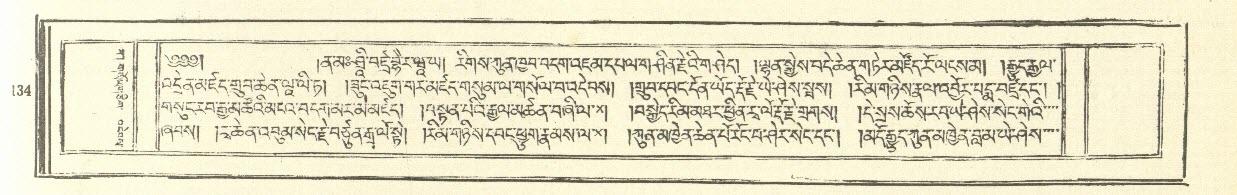༄༅༅། །ན་མཿ ཤྲཱི་བཛྲ་བྷཻ་ར་ཝཱ་ཡ། རིགས་ཀུན་ཁྱབ་བདག་འཇམ་དཔལ་གཤིན་རྗེའི་གཤེད། །ལྷན་སྐྱེས་བདེ་ཆེན་གཏེར་མཛོད་རོ་ལངས་མ། །རྒྱུད་རྒྱལ་
འདྲེན་མཛད་གྲུབ་ཆེན་ལཱ་ལི་ཏ། །ཟུང་འཇུག་གར་མཛད་གསུམ་ལ་གསོལ་བ་འདེབས། །གྲུབ་དབང་དོན་ཡོད་རྡོ་རྗེ་ཡེ་ཤེས་སྦས། །རིམ་གཉིས་རྣལ་འབྱོར་པདམ་བྫྲ་དང་། །
གསུང་རབ་རྒྱ་མཚོའི་མངའ་བདག་མར་མེ་མཛད། །བསྟན་པའི་རྒྱལ་མཚན་བཞི་ལ་྾། །བསྐྱེད་རིམ་མཐར་ཕྱིན་རྭ་ལོ་རྡོ་རྗེ་གྲགས། །དེ་སྲས་ཆོས་རབ་ཡེ་ཤེས་སེང་གའི་
ཞབས། །རྭ་ཆེན་འབུམ་སེང་རྗེ་བཙུན་རྒ་ལོ་སྟེ། །རིམ་གཉིས་དབང་ཕྱུག་རྣམས་ལ་྾། །ཀུན་མཁྱེན་ཆེན་པོ་རོང་པ་ཤེར་སེང་དང་། །མདོ་རྒྱུད་ཀུན་མཁྱེན་བླ་མ་ཡེ་ཤེས་